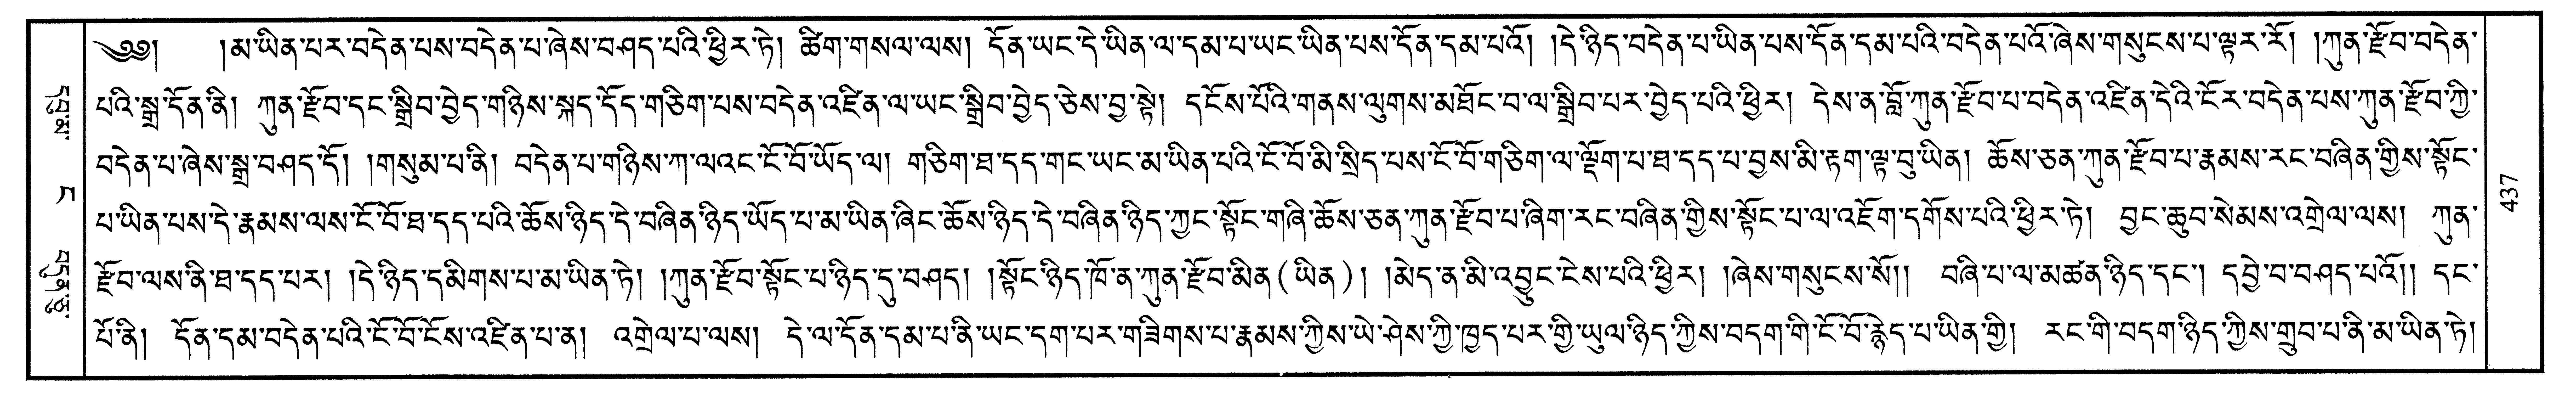༄༅། །མ་ཡིན་པར་བདེན་པས་བདེན་པ་ཞེས་བཤད་པའི་ཕྱིར་ཏེ། ཚིག་གསལ་ལས། དོན་ཡང་དེ་ཡིན་ལ་དམ་པ་ཡང་ཡིན་པས་དོན་དམ་པའོ། །དེ་ཉིད་བདེན་པ་ཡིན་པས་དོན་དམ་པའི་བདེན་པའོ་ཞེས་གསུངས་པ་ལྟར་རོ། །ཀུན་རྫོབ་བདེན་
པའི་སྒྲ་དོན་ནི། ཀུན་རྫོབ་དང་སྒྲིབ་བྱེད་གཉིས་སྐད་དོད་གཅིག་པས་བདེན་འཛིན་ལ་ཡང་སྒྲིབ་བྱེད་ཅེས་བྱ་སྟེ། དངོས་པོའི་གནས་ལུགས་མཐོང་བ་ལ་སྒྲིབ་པར་བྱེད་པའི་ཕྱིར། དེས་ན་བློ་ཀུན་རྫོབ་པ་བདེན་འཛིན་དེའི་ངོར་བདེན་པས་ཀུན་རྫོབ་ཀྱི་
བདེན་པ་ཞེས་སྒྲ་བཤད་དོ། །གསུམ་པ་ནི། བདེན་པ་གཉིས་ཀ་ལའང་ངོ་བོ་ཡོད་ལ། གཅིག་ཐ་དད་གང་ཡང་མ་ཡིན་པའི་ངོ་བོ་མི་སྲིད་པས་ངོ་བོ་གཅིག་ལ་ལྡོག་པ་ཐ་དད་པ་བྱས་མི་རྟག་ལྟ་བུ་ཡིན། །ཆོས་ཅན་ཀུན་རྫོབ་པ་རྣམས་རང་བཞིན་གྱིས་སྟོང་
པ་ཡིན་པས་དེ་རྣམས་ལས་ངོ་བོ་ཐ་དད་པའི་ཆོས་ཉིད་དེ་བཞིན་ཉིད་ཡོད་པ་མ་ཡིན་ཞིང་ཆོས་ཉིད་དེ་བཞིན་ཉིད་ཀྱང་སྟོང་གཞི་ཆོས་ཅན་ཀུན་རྫོབ་པ་ཞིག་རང་བཞིན་གྱིས་སྟོང་པ་ལ་འཇུག་དགོས་པའི་ཕྱིར་ཏེ། བྱང་ཆུབ་སེམས་འགྲེལ་ལས། ཀུན་
རྫོབ་ལས་ནི་ཐ་དད་པར། །དེ་ཉིད་དམིགས་པ་མ་ཡིན་ཏེ། །ཀུན་རྫོབ་སྟོང་པ་ཉིད་དུ་བཤད། །སྟོང་ཉིད་ཁོ་ན་ཀུན་རྫོབ་མིན་ཡིན། །མེད་ན་མི་འབྱུང་ངེས་པའི་ཕྱིར། །ཞེས་གསུངས་སོ།། བཞི་པ་ལ་མཚན་ཉིད་དང་། དབྱེ་བ་བཤད་པའོ།། དང་
པོ་ནི། དོན་དམ་བདེན་པའི་ངོ་བོ་ངོས་འཛིན་པ་ན། འགྲེལ་པ་ལས། དེ་ལ་དོན་དམ་པ་ནི་ཡང་དག་པར་གཟིགས་པ་རྣམས་ཀྱིས་ཡེ་ཤེས་ཀྱི་ཁྱད་པར་གྱི་ཡུལ་ཉིད་ཀྱིས་བདག་གི་ངོ་བོ་རྙེད་པ་ཡིན་གྱི། རང་གི་བདག་ཉིད་ཀྱིས་གྲུབ་པ་ནི་མ་ཡིན་ཏེ།